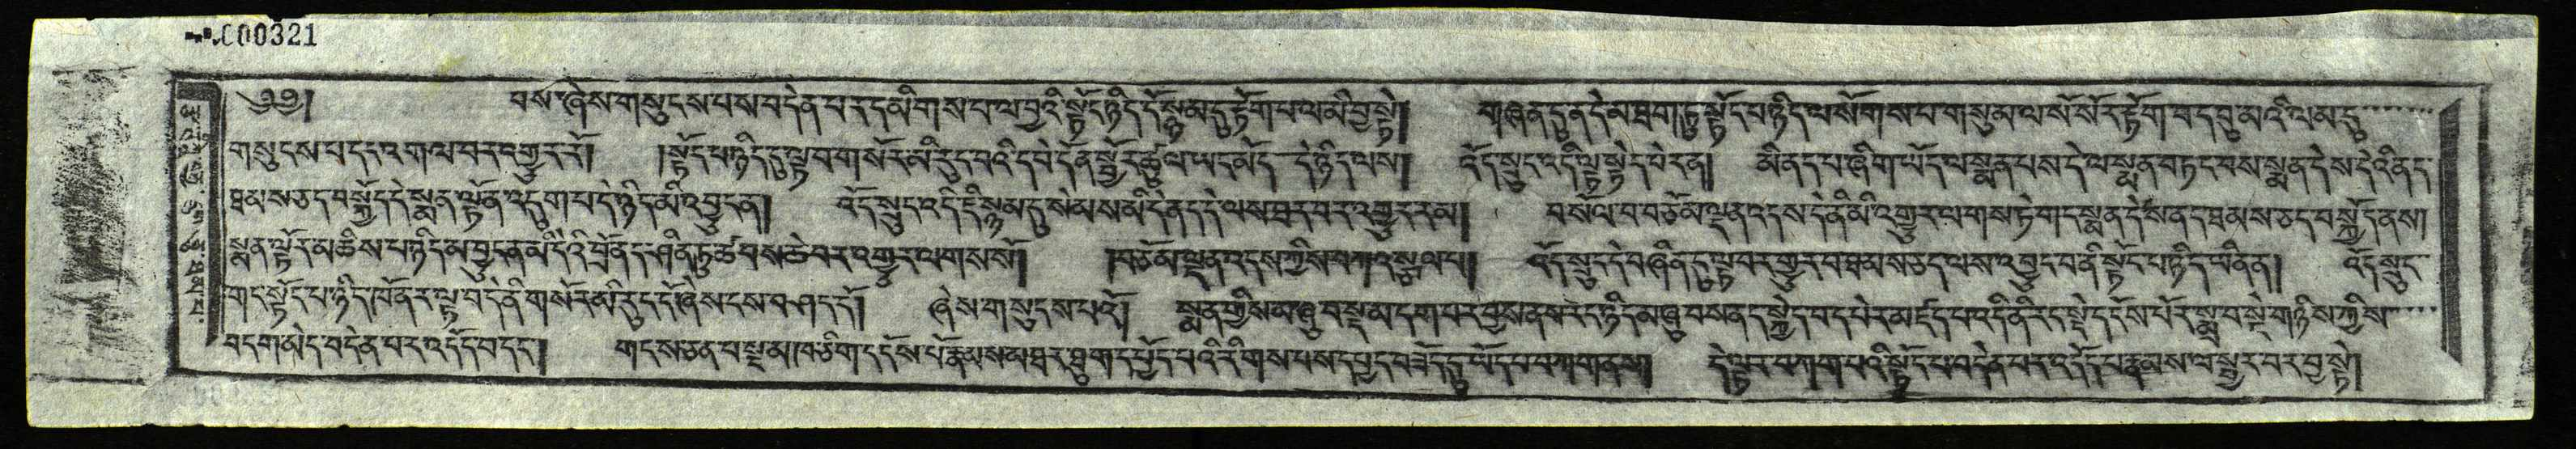༄༅། །པས་ཞེས་གསུངས་པས་བདེན་པར་དམིགས་པ་ལ་བྱའི་སྟོང་ཉིད་དོ་སྙམ་དུ་རྟོག་པ་ལ་མི་བྱ་སྟེ། གཞན་དུ་ན་དེ་མ་ཐག་ཏུ་སྟོང་པ་ཉིད་ལ་སོགས་པ་གསུམ་ལ་སོ་སོར་རྟོག་པ་དབུ་མའི་ལམ་དུ་
གསུངས་པ་དང་འགལ་བར་འགྱུར་རོ། །སྟོང་པ་ཉིད་དུ་ལྟ་བ་གསོར་མི་རུང་བའི་དཔེ་དོན་སྦྱོར་ཚུལ་ཡང་མོད་དེ་ཉིད་ལས། འོད་སྲུང་འདི་ལྟ་སྟེ་དཔེར་ན། མི་ནད་པ་ཞིག་ཡོད་ལ་སྨན་པས་དེ་ལ་སྨན་བཏང་བས་སྨན་དེས་དེའི་ནད་
ཐམས་ཅད་བསྐྱོད་དེ་སྨན་ལྟོ་ན་འདུག་པ་དེ་ཉིད་མི་འབྱུང་ན། འོད་སྲུང་འདི་ཇི་སྙམ་དུ་སེམས་མི་དེ་ནད་དེ་ལས་ཐར་བར་འགྱུར་རམ། བསོལ་བ་བཅོམ་ལྡན་འདས་དེ་ནི་མི་འགྱུར་ལགས་ཏེ་གང་སྨན་དེས་ནད་ཐམས་ཅད་བསྐྱོད་ནས།
སྨན་ལྟོར་མཆིས་པ་ཉིད་མ་བྱུང་ན་མི་དེའི་བྲོ་ནད་ཤིན་ཏུ་ཚབས་ཆེ་བར་འགྱུར་ལགས་སོ། །བཅོམ་ལྡན་འདས་ཀྱིས་བཀའ་སྩལ་པ། འོད་སྲུང་དེ་བཞིན་དུ་ལྟ་བར་གྱུར་བ་ཐམས་ཅད་ལས་འབྱུང་བ་ནི་སྟོང་པ་ཉིད་ཡིན་ན། འོད་སྲུང་
གང་སྟོང་པ་ཉིད་ཁོ་ནར་ལྟ་བ་དེ་ནི་གསོར་མི་རུང་ངོ་ཞེས་ངས་བཤད་དོ། ཞེས་གསུངས་པའོ། སྨན་གྱིས་མ་ཞུ་བ་སྔ་མ་དག་པར་བྱས་ནས་རང་ཉིད་མ་ཞུ་བས་ནད་སྐྱེད་བ་དཔེར་མཛད་པ་འདི་ནི་རང་སྡེ་དངོས་པོར་སྨྲ་བ་སྡེ་གཉིས་ཀྱིས་
བདག་མེད་བདེན་པར་འདོད་པ་དང་། གངས་ཅན་བ་སྔ་མ་ཁ་ཅིག་དངོས་པོ་རྣམས་མཐར་ཐུག་དཔྱོད་པའི་རིགས་པས་དཔྱད་བཟོད་དུ་ཡོད་པ་བཀག་ནས། དེ་ལྟར་བཀག་པའི་སྟོང་པ་བདེན་པར་འདོད་པ་རྣམས་ལ་སྦྱར་བར་བྱ་སྟེ།